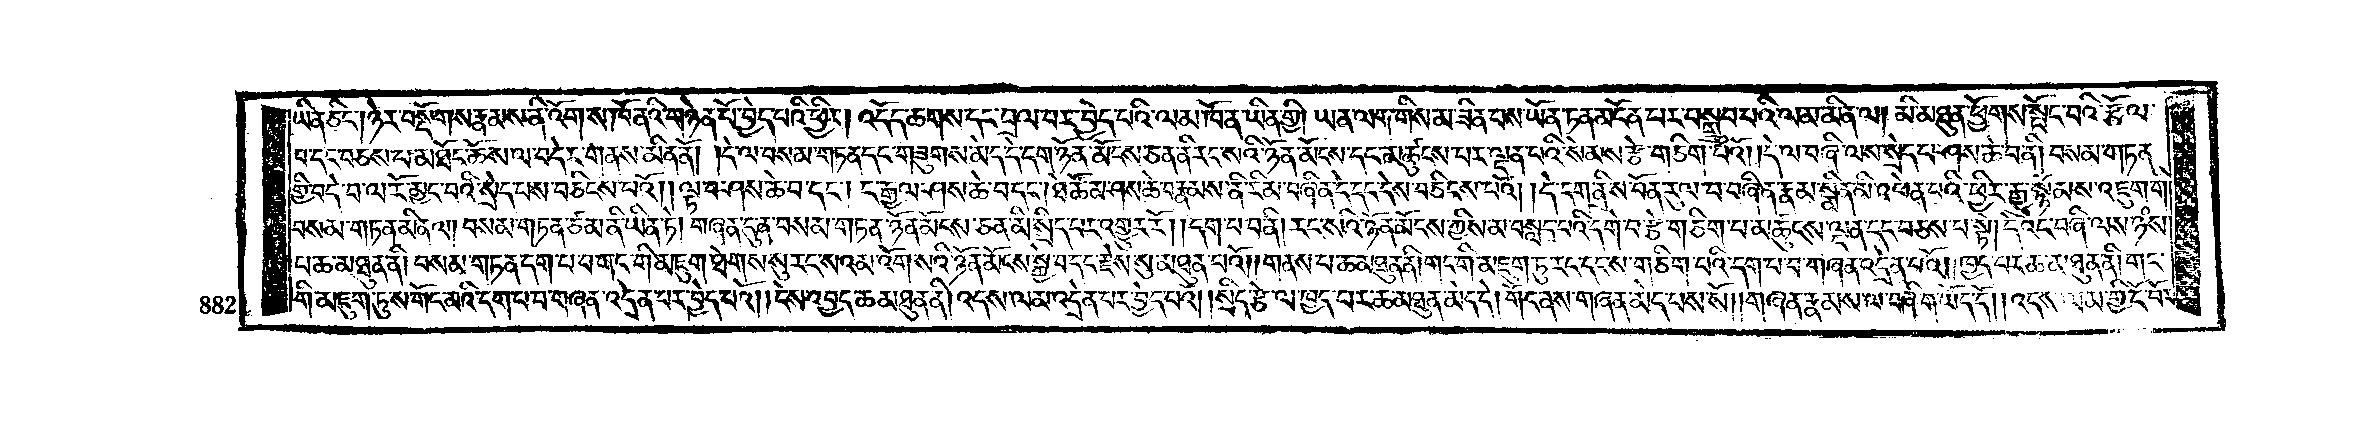ཡིན་ཅིང་། ཉེར་བསྡོགས་རྣམས་ནི་འོག་ས་ཁོ་ནའི་གཉེན་པོ་བྱེད་པའི་ཕྱིར། འདོད་ཆགས་དང་བྲལ་བར་བྱེད་པའི་ལམ་ཁོ་ན་ཡིན་གྱི། ཡན་ལག་གིས་མ་ཟིན་པས་ཡོན་ཏན་མངོན་པར་བསྒྲུབ་པའི་ལམ་མིན་ལ། མི་མཐུན་ཕྱོགས་སྤོང་པའི་རྩོལ་
པ་དང་བཅས་པ་མཐོང་ཆོས་ལ་བདེར་གནས་མིན་ནོ། །དེ་ལ་བསམ་གཏན་དང་གཟུགས་མེད་དེ་དག་ཉོན་མོངས་ཅན་ནི་རང་སའི་ཉོན་མོངས་དང་མཚུངས་པར་ལྡན་པའི་སེམས་རྩེ་གཅིག་པའོ། །དེ་ལ་བཞི་ལས་སྲེད་པ་ཤས་ཆེ་བ་ནི། བསམ་གཏན་
གྱི་བདེ་བ་ལ་རོ་མྱང་བའི་སྲེད་པས་བཅིངས་པའོ། །ལྟ་བ་ཤས་ཆེ་བ་དང་། ང་རྒྱལ་ཤས་ཆེ་བ་དང་། ཐེ་ཚོམ་ཤས་ཆེ་བ་རྣམས་ནི་རིམ་བཞིན་དེ་དང་དེས་བཅིངས་པའོ། །དེ་དག་ནི་ས་བོན་རུལ་བ་བཞིན་རྣམ་སྨིན་མི་འཕེན་པའི་ཕྱིར་རྒྱུ་སྙོམས་འཇུག་གི་
བསམ་གཏན་མིན་ལ། བསམ་གཏན་ཙམ་ནི་ཡིན་ཏེ། གཞན་དུ་ན་བསམ་གཏན་ཉོན་མོངས་ཅན་མི་སྲིད་པར་འགྱུར་རོ། །དག་པ་བ་ནི། རང་སའི་ཉོན་མོངས་ཀྱིས་མ་བསླད་པའི་དགེ་བ་རྩེ་གཅིག་པ་མཚུངས་ལྡན་དང་བཅས་པ་སྟེ། དེའང་བཞི་ལས་ཉམས་
པ་ཆ་མཐུན་ནི། བསམ་གཏན་དག་པ་བ་གང་གི་མཇུག་ཐེགས་སུ་རང་སའམ་འོག་སའི་ཉོན་མོངས་སྐྱེ་པ་དང་རྗེས་སུ་མཐུན་པའོ། །གནས་པ་ཆ་མཐུན་ནི། གང་གི་མཇུག་ཏུ་རང་དང་ས་གཅིག་པའི་དག་པ་པ་གཞན་འདྲེན་པའོ། །ཁྱད་པར་ཆ་མཐུན་ནི། གང་
གི་མཇུག་ཏུ་ས་གོང་མའི་དག་པ་བ་གཞན་འདྲེན་པར་བྱེད་པའོ། །ངེས་འབྱེད་ཆ་མཐུན་ནི། འདས་ལམ་འདྲེན་པར་བྱེད་པའོ། །སྲིད་རྩེ་ལ་ཁྱད་པར་ཆ་མཐུན་མེད་དེ། གོང་ནས་གཞན་མེད་པས་སོ། །གཞན་རྣམས་ལ་བཞི་ག་ཡོད་དོ། །འདས་ལམ་གྱི་ངོ་བོར་